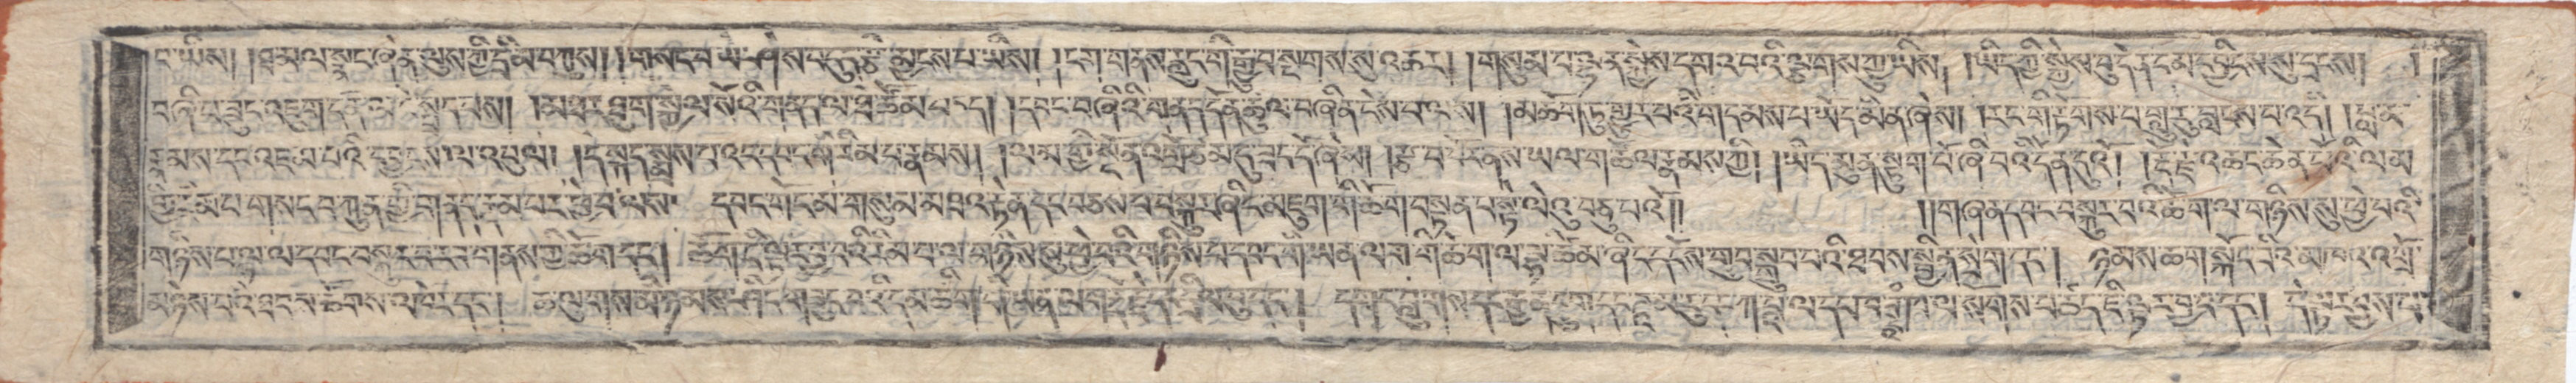བ་ཡིས། །ཐ་མལ་སྣང་ཞེན་ལུས་ཀྱི་དྲི་མ་བཀྲུས། །གསང་བ་ཡེ་ཤེས་བདུད་རྩི་མྱངས་པ་ཡིས། །ངག་གནས་རླུང་གི་རྒྱུ་བ་སྔགས་སུ་འཆར། །གསུམ་པ་ལྷན་སྐྱེས་དགའ་བའི་ལྕགས་ཀྱུ་ཡིས། །ཡིད་ཀྱི་སྐྱེས་བུ་དོན་དམ་དབྱིངས་སུ་དྲངས། །
བཞི་པ་ཟུང་འཇུག་དོན་ལ་ངོ་སྤྲད་པས། །མཐར་ཐུག་སྐྱེལ་སོའི་གནད་ལ་ཐེ་ཚོམ་བཅད། །དབང་བཞིའི་གནད་དོན་ཚུལ་བཞིན་ངེས་པ་ལས། །མཆོག་ཏུ་གྱུར་པའི་གདམས་པ་ཡོད་མིན་ཞེས། །རང་གི་རྟོགས་པ་གླུ་རུ་བླངས་པ་འདི། །བླ་མ་
རྣམས་དང་འཇམ་པའི་དབྱངས་ལ་འབུལ། །དེ་སྐད་སྨྲས་པ་འང་དབང་གི་རིམ་པ་རྣམས། །ལམ་གྱི་སྔོན་འགྲོ་ཙམ་དུ་ཟད་དོ་ཞེས། །རྩ་བ་བོར་ནས་ཡལ་ག་ཚོལ་རྣམས་ཀྱི། །ཡིད་མུན་སྟུག་པོ་ཞི་བའི་དོན་དུའོ། །རྡོ་རྗེ་འཆང་ཆེན་པོའི་ལམ་
གྱི་རིམ་པ་གསང་བ་ཀུན་གྱི་གནད་རྣམ་པར་ཕྱེ་བ་ལས། དབང་གོང་མ་གསུམ་མཐའ་རྟེན་དང་བཅས་པ་བསྐུར་ཞིང་མཇུག་གི་ཆོ་ག་བསྟན་པ་སྟེ་ལེའུ་བཅུ་པའོ།། །།གཞན་དབང་བསྐུར་བའི་ཆོ་ག་ལ་གཉིས་སུ་ཕྱེ་བའི་
གཉིས་པ་ལྷ་ལ་དབང་བསྐུར་བ་རབ་གནས་ཀྱི་ཆོ་ག་དང་། ཆོ་ག་ཇི་ལྟར་བྱ་བའི་རིམ་པ་ལ་གཉིས་སུ་ཕྱེ་བའི་གཉིས་པ་དབང་གི་ཡན་ལག་གི་ཆོ་ག་ལ་ལྷ་ཚིམ་ཞིང་དངོས་གྲུབ་སྒྲུབ་པའི་ཐབས་སྦྱིན་སྲེག་དང་། ཉམས་ཆག་སྐོང་བའི་མཁའ་འགྲོ་
མཉེས་པའི་ཐབས་ཚོགས་འཁོར་དང་། ཆ་ལུགས་མི་ཉམས་ཤིང་གཟུང་བའི་དམ་ཚིག་གི་ཡན་ལག་རྡོ་རྗེ་དང་དྲིལ་བུ་དང་། དགང་བླུགས་དང་རྒྱན་དྲུག་དང་ཌཱ་མ་རུ་དང་ཀ་པཱ་ལ་དང་ཁ་ཊྭཱཾ་ཁ་ལ་སོགས་པ་ཚད་ཇི་ལྟར་བྱ་བ་དང་། དེ་ལྟར་བྱས་པ་